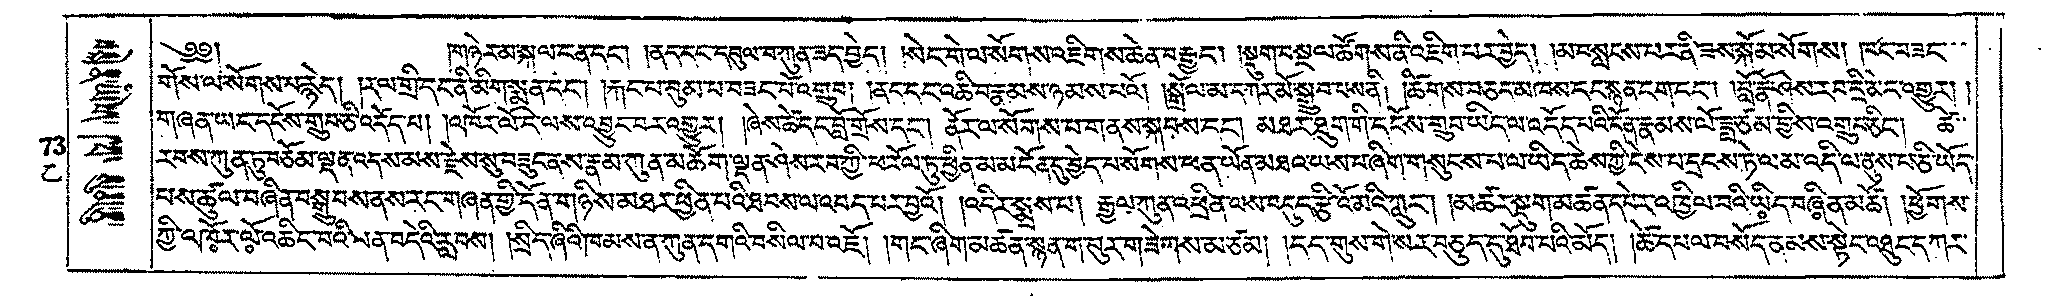༄༅། །གཉེར་མ་སྐལ་ངན་དང་། །ནད་དང་དབུལ་བ་ཀུན་ཟད་བྱེད། །སེང་གེ་ལ་སོགས་འཇིགས་ཆེན་བརྒྱད། །སྡུག་བསྔལ་ཚོགས་ནི་འཇིག་པར་བྱེད། །མ་བསླངས་པར་ནི་ཟས་སྐོམ་སོགས། ཁང་བཟང་་་
གོས་ལ་སོགས་པ་རྙེད། །རལ་གྲི་དང་ནི་མིག་སྨན་དང་། །རྐང་པ་བུམ་པ་བཟང་པོ་འགྲུབ། །ནད་དང་འཆི་བ་རྣམས་ཉམས་པའོ། །སྒྲོལ་མ་དཀར་མོ་སྒྲུབ་པས་ནི། །ཚིགས་བཅད་མཁས་དང་སྙན་ངག་དང་། །བློ་རྣོ་ཤེས་རབ་དྲི་མེད་འགྱུར། །
གཞན་ཡང་དངོས་གྲུབ་ཅི་འདོད་པ། །འཁོར་ལོ་དེ་ལས་འབྱུང་བར་འགྱུར། །ཞེས་ཚེ་དང་བློ་གྲོས་དང་། ནོར་ལ་སོགས་པ་གནས་སྐབས་དང་། མཐར་ཐུག་གི་དངོས་གྲུབ་ཡིད་ལ་འདོད་པའི་དོན་རྣམས་ལོ་ཟླ་ཙམ་གྱིས་འགྲུབ་ཅིང་། ཚེ་་་
རབས་ཀུན་ཏུ་བཅོམ་ལྡན་འདས་མས་རྗེས་སུ་བཟུང་ནས་རྣམ་ཀུན་མཆོག་ལྡན་ཤེས་རབ་ཀྱི་ཕ་རོལ་ཏུ་ཕྱིན་མ་མངོན་དུ་བྱེད་པ་སོགས་ཕན་ཡོན་མཐའ་ཡས་པ་ཞིག་གསུངས་པ་ལ་ཡིད་ཆེས་ཀྱི་ངེས་པ་དྲངས་ཏེ་ལམ་འདི་ལ་ནུས་པ་ཅི་ཡོད་
པས་ཚུལ་བཞིན་བསྒྲུབས་ནས་རང་གཞན་གྱི་དོན་གཉིས་མཐར་ཕྱིན་པའི་ཐབས་ལ་འབད་པར་བྱའོ། །འདིར་སྨྲས་པ། རྒྱལ་ཀུན་འཕྲིན་ལས་བདུད་རྩིའོ་མའི་ཀླུང་། །མཚར་སྡུག་མཚན་དཔེར་འཁྱིལ་བའི་ཡིད་བཞིན་མཚོ། །ཕྱོགས་
ཀྱི་འཁོར་ལོ་འཆིང་བའི་ཕན་བདེའི་རླབས། །སྲིད་ཞིའི་ཁམས་ན་ཀུན་དགའི་བསིལ་བ་འཇོ། །གང་ཞིག་མཚན་སྙན་ག་བུར་གཟེགས་མ་ཙམ། །དད་གུས་གེ་སར་བཅུད་དུ་ཐོབ་པའི་མོད། །ཚེ་དཔལ་བསོད་ནམས་སྟེང་འཐུང་དཀར་